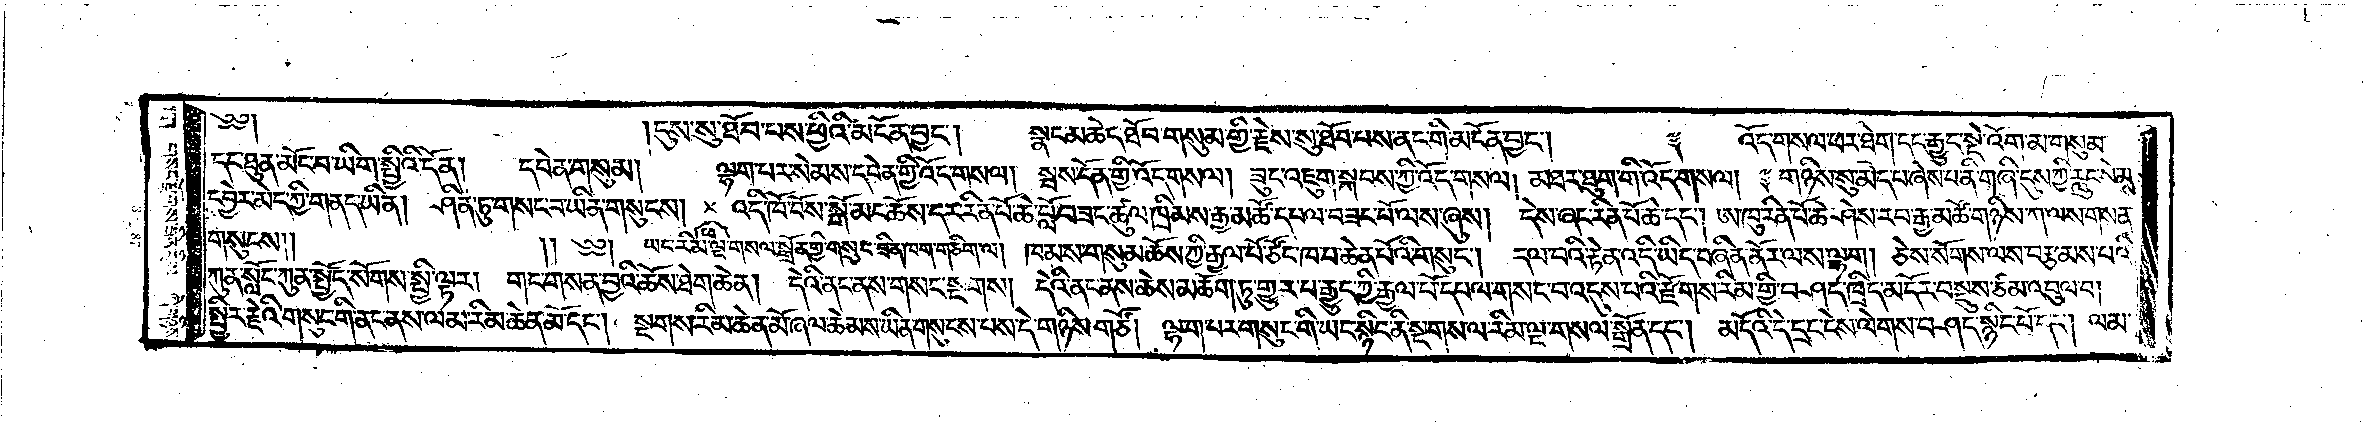༄༅། །དུས་སུ་ཐོབ་པས་ཕྱིའི་མངོན་བྱང་། སྣང་མཆེད་ཐོབ་གསུམ་གྱི་རྗེས་སུ་ཐོབ་པས་ནང་གི་མངོན་བྱང་། ༈ འོད་གསལ་ཕར་ཐེག་དང་རྒྱུད་སྡེ་འོག་མ་གསུམ་
དང་ཐུན་མོང་བ་ཡིག་སྤྱིའི་དོན། དབེན་གསུམ། ལྷག་པར་སེམས་དབེན་གྱི་འོད་གསལ། སྦས་དོན་གྱི་འོད་གསལ། ཟུང་འཇུག་སྐབས་ཀྱི་འོད་གསལ། མཐར་ཐུག་གི་འོད་གསལ། ༈ གཉིས་སུ་མེད་པ་ཞེས་པ་ནི་གཞི་དུས་ཀྱི་རླུང་སེམས་
དབྱེར་མེད་ཀྱི་གནད་ཡིན། ཤིན་ཏུ་གསང་བ་ཡིན་གསུངས། ྾་འདི་ཁོ་བོས་སྒོ་མང་ཆོས་དར་རིན་པོ་ཆེ་བློ་བཟང་ཚུལ་ཁྲིམས་རྒྱ་མཚོ་དཔལ་བཟང་པོ་ལས་ཞུས། དེས་ཞང་རིན་པོ་ཆེ་དང་། ཨ་ཁུ་རིན་པོ་ཆེ་ཤེས་རབ་རྒྱ་མཚོ་གཉིས་ཀ་ལས་གསན་
གསུངས།། །།༄༅། ཡང་རིམ་ལྔ་གསལ་སྒྲོན་གྱི་གསུང་ཕྲིན་ཁག་གཅིག་ལ།  ཁམས་གསུམ་ཆོས་ཀྱི་རྒྱལ་པོ་ཙོང་ཁ་པ་ཆེན་པོའི་གསུང་། དལ་བའི་རྟེན་འདི་ཡིད་བཞིན་ནོར་ལས་ལྷག། ཅེས་སོགས་ལས་བརྩམས་པའི་
ཀུན་སློང་ཀུན་སྤྱོད་སོགས་སྤྱི་ལྟར། གང་གསན་བྱའི་ཆོས་ཐེག་ཆེན། དེའི་ནང་ནས་གསང་སྔགས། དེའི་ནང་ནས་ཆེས་མཆོག་ཏུ་གྱུར་པ་རྒྱུད་ཀྱི་རྒྱལ་པོ་དཔལ་གསང་བ་འདུས་པའི་རྫོགས་རིམ་གྱི་བཤད་ཁྲིད་མདོར་བསྡུས་ཙམ་འབུལ་བ།
སྤྱིར་རྗེའི་གསུང་གི་ནང་ནས་ལམ་རིམ་ཆེན་མོ་དང་། སྔགས་རིམ་ཆེན་མོ་ཞལ་ཆེམས་ཡིན་གསུངས་པས་དེ་གཉིས་གཙོ། ལྷག་པར་གསུང་གི་ཡང་སྙིང་ནི་སྔགས་ལ་རིམ་ལྔ་གསལ་སྒྲོན་དང་། མདོའི་དེ་དྲང་ངེས་ལེགས་བཤད་སྙིང་པོ་དང་། ལམ་